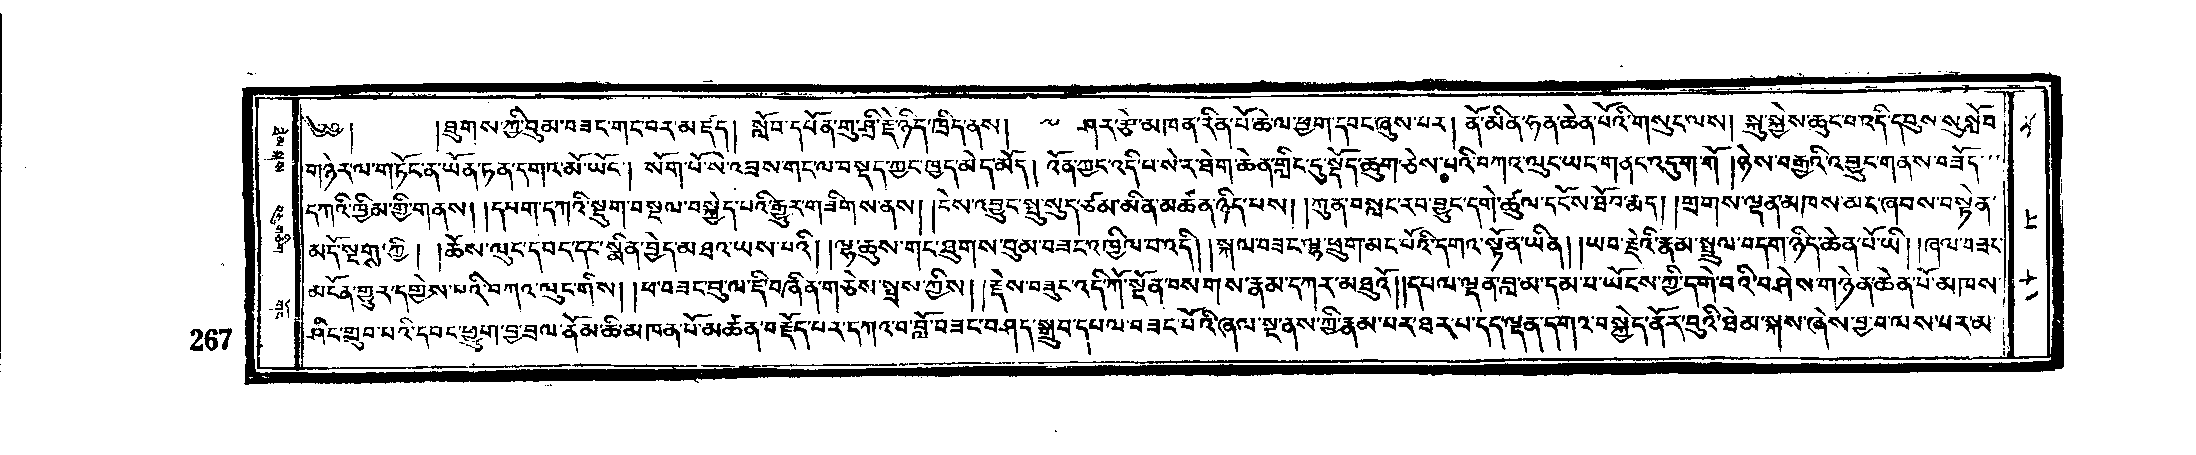༄༅། །ཐུགས་ཀྱི་བུམ་བཟང་གང་བར་མཛད། སློབ་དཔོན་གུ་ཤྲི་རྗེ་ཉིད་ཁྲིད་ནས། ༧་ཤར་རྩེ་མཁན་རིན་པོ་ཆེ་ལ་ཕྱག་དབང་ཞུས་པར། ནོ་མིན་ཧན་ཆེན་པོའི་གསུང་ལས། སྐུ་སྐྱེས་ཆུང་བ་འདི་དབུས་སུ་སློབ་
གཉེར་ལ་གཏོང་ན་ཡོན་ཏན་དགའ་མོ་ཡོང་། སོག་པོ་སེ་འབྲས་གང་ལ་བསྡད་ཀྱང་ཁྱད་མེད་མོད། འོན་ཀྱང་འདི་པ་སེ་ར་ཐེག་ཆེན་གླིང་དུ་སྡོད་ཆུག་ཅེས་པའི་བཀའ་ལུང་ཡང་གནང་འདུག་གོ །ཉེས་བརྒྱའི་འབྱུང་གནས་བཟོད་
དཀའི་ཁྱིམ་གྱི་གནས། །དཔག་དཀའི་སྡུག་བསྔལ་བསྐྱེད་པའི་རྒྱུར་གཟིགས་ནས། །ངེས་འབྱུང་སྤུ་སུད་ཙམ་མིན་མཚན་ཉིད་པས། །ཀུན་བསླང་རབ་བྱུང་དགེ་ཚུལ་དངོས་ཐོབ་རྨད། །གྲགས་ལྡན་མཁས་མང་ཞབས་བསྟེན་
མདོ་སྔགས་ཀྱི། །ཆོས་ལུང་དབང་དང་སྨིན་བྱེད་མཐའ་ཡས་པའི། །ལྷ་ཆུས་གང་ཐུགས་བུམ་བཟང་འཁྱིལ་བ་འདི། །སྐལ་བཟང་ལྷ་ཕྲུག་མང་པོའི་དགའ་སྟོན་ཡིན། །ཡབ་རྗེའི་རྣམ་སྤྲུལ་བདག་ཉིད་ཆེན་པོ་ཡི། །ཞལ་བཟང་
མངོན་གྱུར་དགྱེས་པའི་བཀའ་ལུང་གིས། །ཕ་བཟང་བུ་ལ་ཇི་བཞིན་གཅེས་སྤྲས་ཀྱིས། །རྗེས་བཟུང་འདི་ཀོ་སྔོན་བསགས་རྣམ་དཀར་མཐུའོ། །དཔལ་ལྡན་བླ་མ་དམ་པ་ཡོངས་ཀྱི་དགེ་བའི་བཤེས་གཉེན་ཆེན་པོ་མཁས་
ཤིང་གྲུབ་པའི་དབང་ཕྱུག་བྱ་བྲལ་ནོམ་ཆི་མཁན་པོ་མཚན་བརྗོད་པར་དཀའ་བ་བློ་བཟང་བཤད་སྒྲུབ་དཔལ་བཟང་པོའི་ཞལ་སྔ་ནས་ཀྱི་རྣམ་པར་ཐར་པ་དད་ལྡན་དགའ་བསྐྱེད་ནོར་བུའི་ཐེམ་སྐས་ཞེས་བྱ་བ་ལས་པར་མ་